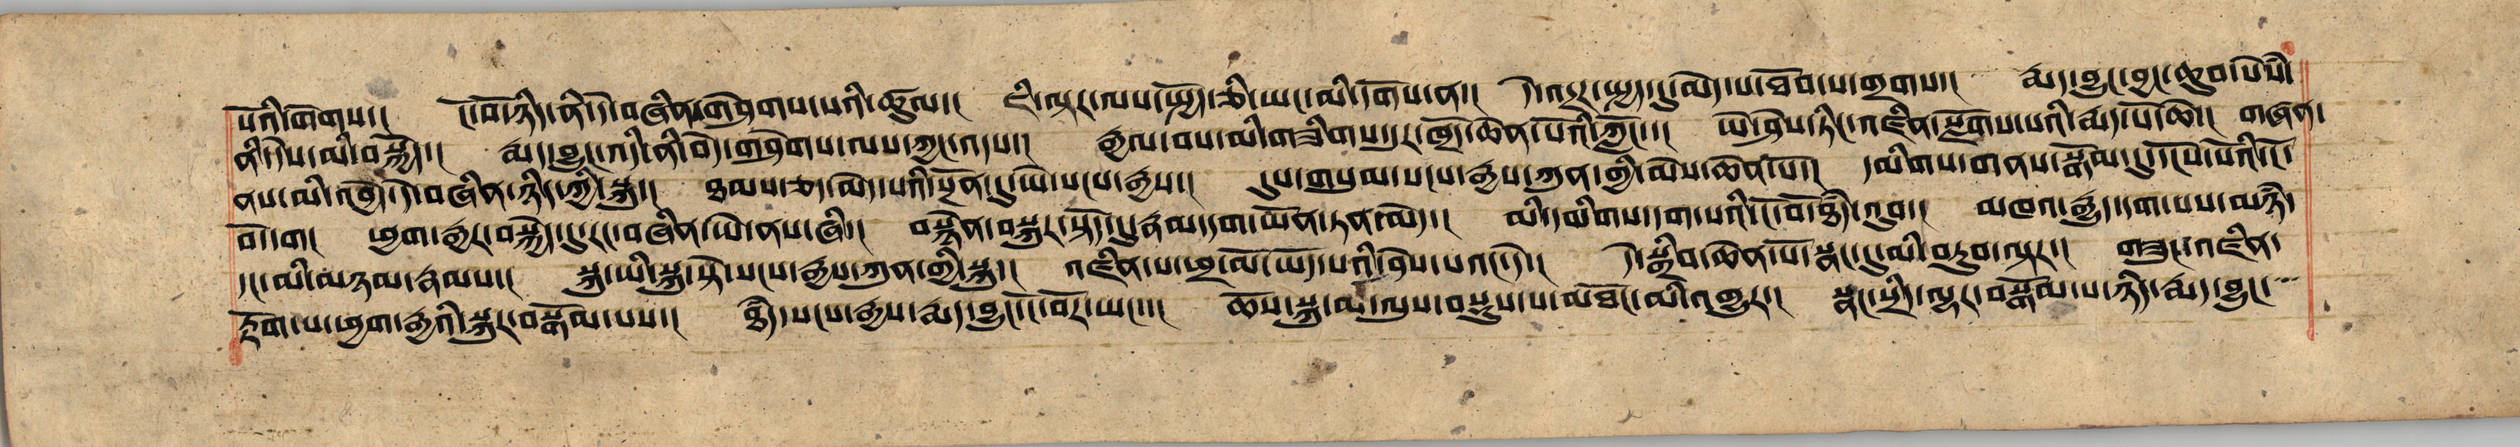སོའི་གེགས་། ངོ་བོ་ཉིད་ནི་དེ་བཞིན་གཤེགས་པའི་ཚུལ་། ཇི་ལྟར་ལས་སྤྱོད་ཅི་ཡང་མི་དགོས་ན་། དེ་འདྲར་སྤྱད་དུ་མེད་པ་ཐོབ་པ་གྲགས་། རྨད་བྱུང་བྱང་ཆུབ་སེཾས་
ནི་དེས་མི་བསྐྱེད་། རྨད་བྱུང་འདི་ནི་བདེ་གཤེགས་ལས་ཀྱང་འདས་། རྒྱལ་བས་མི་གཟིགས་དུར་ཁྲོད་ཆེན་པོའི་ཀློང་་། ཡེ་ཤེས་ཏིང་འཛིན་སྫོགས་པའི་རྨད་པོ་ཆེ་། གཞན་
ནས་མི་འབྱེད་དེ་བཞིན་ཉིད་ཀྱི་སྐུ་། ཐམས་ཅད་མེད་པའི་སྔོན་དུ་ཡེ་སངས་རྒྱས་། དུས་གསུམ་སངས་རྒྱས་ཀུན་གྱི་མེས་ཆེན་པོ་། དམིགས་གནས་སྒོམ་དུ་དངོས་པོའི་ངོ་
བོ་དག། ཕྱག་རྒྱར་བསྐྱེད་དུ་རང་བཞིན་ཡེ་ནས་ཞི་། བསྙེན་བསྐུར་སྟོད་དུ་རྣམ་དག་ཡོན་ཏན་མེད་། མི་དམིགས་དག་པའི་ངོ་བོ་ཐཾད་འུབ་། མཁའ་རྒྱུད་དག་པས་མཉཾ་
དང་མི་མཉམ་རྣམས་། སྐུ་ཡི་སྐུ་སྟེ་སངས་རྒྱས་ཀུན་གྱི་སྐུ་། འཛིན་པ་ཕྲ་མོ་ཡོད་པའི་ཤེས་པའང་དེ་། དེ་སྒྲིབ་ཆེན་པོ་སྣང་དུ་མི་བཏུབ་ལྟར་། གཟུང་འཛིན་
རྟོག་པ་ཕྱག་རྒྱའི་སྐུར་བསྒོམ་པས་། ཐཾད་སངས་རྒྱས་རྨད་བྱུང་ངོ་བོར་ཡང་་། ཆོས་སྐུ་མ་ལུས་བསྡུས་པ་མཐོང་མི་འགྱུར་། སྣང་སྲིད་ལྷར་བསྒོམ་པ་ཉིད་རྨད་བྱུང་